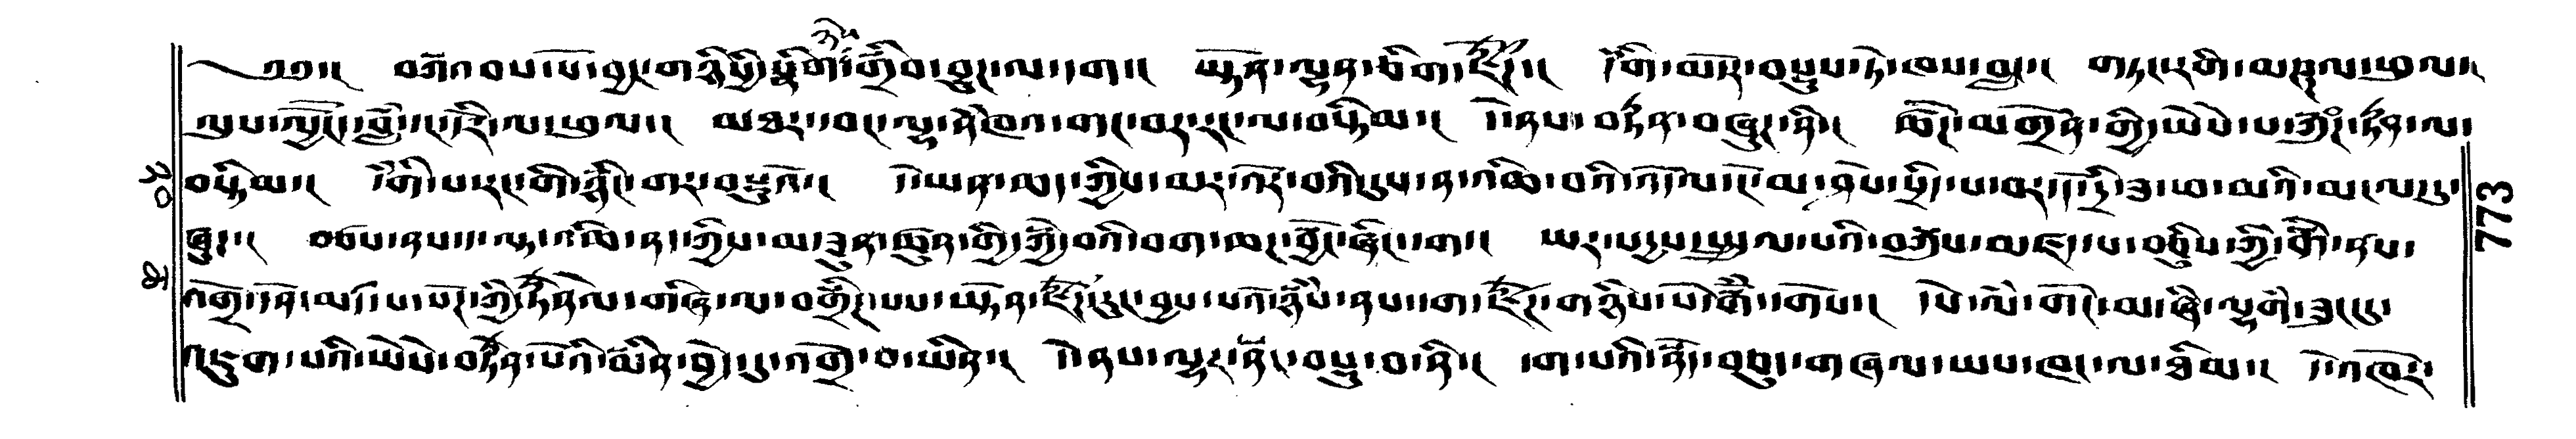དེ་བསྐང་བས་སོ་བྱང་གཉིས་ཀྱི་ཉེས་སྒྲིབ་ཤུགས་ལ་དག ཡོན་ཏན་ལྷན་ཅིག་རྫོགས། དམ་ཚིག་མདོར་བསྡུས་ཏེ་ཁས་བླང་། གཏང་རག་མཎྜལ་ཕུལ། 
ལུས་ལོངས་སྤྱོད་བླ་མ་དཀྱིལ་འཁོར་ལ་ཕུལ། མཐར་དབང་ལྷ་ནམ་མཁའ་གང་བར་རང་ལ་བསྟིམ། དེ་ནས་བརྟན་བཞུགས་ནི། ཚོགས་མགྲོན་གྱི་ཡེ་ཤེས་པ་སྐུ་གསུང་ཐུགས་རྟེན་ལ་
བསྟིམ།དམ་ཚིག་པ་རང་གི་སྙིང་གར་བསྡུའོ། དེ་ཡན་ཆད་ཀྱིས་མར་འཁོར་བའི་དུས་ན་འཆི་བའི་འོད་གསལ་ངོ་མ་ཤེས། སྲིད་པ་བར་དོ་དྲི་ཟ་ཕ་མའི་མངལ་དུ་
ཞུགས། བཙས་ནས་ད་ལྟ་འཆི་ནད་ཀྱིས་མ་ཟུང་ཚུན་གྱི་སྐྱེ་བའི་བག་ཆགས་སྦྱོང་ཞིང་དག ཡར་སངས་རྒྱས་སྤྲུལ་པའི་སྐུས་མཛད་པ་བཅུ་གཉིས་ཀྱི་སྒོ་ནས་
འགྲོ་དོན་མཛད་པ་སོགས་ཀྱི་རྟེན་འབྲེལ་གཞི་ལ་བསྒྲིགས་པས་ཡོན་ཏན་རྫོགས་རུང་དུ་བྱས་པའོ་སྙམ་ནས་དག་རྫོགས་གཉིས་བསྒོམ་དགོས། དེས་ལམ་གོང་མ་ཞི་ལྷག་ཟུང་དུ་
འཇུག་པའི་ཡེ་ཤེས་བརྟན་པའི་སྨིན་བྱེད་དུ་འགྲོ་བ་ཡིན། དེ་ནས་ལྷར་སྣང་བསྡུ་བ་ནི། དག་པའི་སྣོད་བཅུད་གཞལ་ཡས་ཁང་ལ་ཐིམ། དེ་འཁོར་